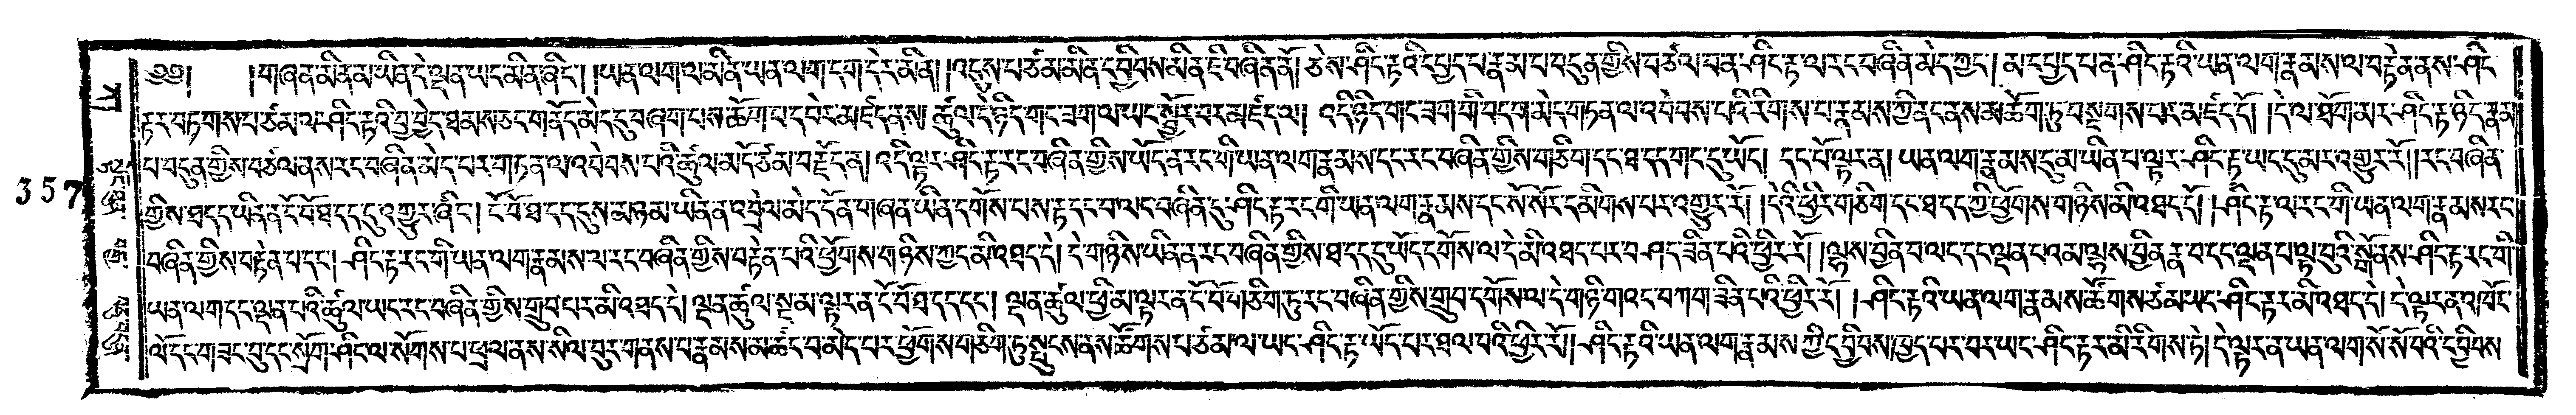༄༅། །གཞན་མིན་མ་ཡིན་དེ་ལྡན་ཡང་མིན་ཞིང་། །ཡན་ལག་ལ་མིན་ཡན་ལག་དག་དེར་མིན། །འདུས་པ་ཙམ་མིན་དབྱིབས་མིན་ཇི་བཞིན་ནོ། ཅེས་ཤིང་རྟའི་དཔྱད་པ་རྣམ་པ་བདུན་གྱིས་བཙལ་བ་ན་ཤིང་རྟ་ལ་རང་བཞིན་མེད་ཀྱང་། མ་དཔྱད་པ་ན་ཤིང་རྟའི་ཡན་ལག་རྣམས་ལ་བརྟེན་ནས་ཤིང་
རྟར་བཏགས་པ་ཙམ་ལ་ཤིང་རྟའི་བྱ་བྱེད་ཐམས་ཅད་གནོད་མེད་དུ་བཞག་པས་ཆོག་པ་དཔེར་མཛད་ནས། ཚུལ་དེ་ཉིད་གང་ཟག་ལ་ཡང་སྦྱོར་བར་མཛད་ལ། འདི་ཉིད་གང་ཟག་གི་བདག་མེད་གཏན་ལ་འབེབས་པའི་རིགས་པ་རྣམས་ཀྱི་ནང་ནས་མཆོག་ཏུ་བསྔགས་པར་མཛད་དོ། །དེ་ལ་ཐོག་མར་ཤིང་རྟ་ཉིད་རྣམ་
པ་བདུན་གྱིས་བཙལ་ནས་རང་བཞིན་མེད་པར་གཏན་ལ་འབེབས་པའི་ཚུལ་མདོ་ཙམ་བརྗོད་ན། འདི་ལྟར་ཤིང་རྟ་རང་བཞིན་གྱིས་ཡོད་ན་རང་གི་ཡན་ལག་རྣམས་དང་རང་བཞིན་གྱིས་གཅིག་དང་ཐ་དད་གང་དུ་ཡོད། དང་པོ་ལྟར་ན། ཡན་ལག་རྣམས་དུ་མ་ཡིན་པ་ལྟར་ཤིང་རྟ་ཡང་དུ་མར་འགྱུར་རོ། །རང་བཞིན་
གྱིས་ཐ་དད་ཡིན་ན་ངོ་བོ་ཐ་དད་དུ་འགྱུར་ཞིང་། ངོ་བོ་ཐ་དད་དུས་མཉམ་ཡིན་ན་འབྲེལ་མེད་དོན་གཞན་ཡིན་དགོས་པས་རྟ་དང་བ་ལང་བཞིན་དུ་ཤིང་རྟ་རང་གི་ཡན་ལག་རྣམས་དང་སོ་སོར་དམིགས་པར་འགྱུར་རོ། །དེའི་ཕྱིར་གཅིག་དང་ཐ་དད་ཀྱི་ཕྱོགས་གཉིས་མི་འཐད་དོ། །ཤིང་རྟ་ལ་རང་གི་ཡན་ལག་རྣམས་རང་
བཞིན་གྱིས་བརྟེན་པ་དང་། ཤིང་རྟ་རང་གི་ཡན་ལག་རྣམས་ལ་རང་བཞིན་གྱིས་བརྟེན་པའི་ཕྱོགས་གཉིས་ཀྱང་མི་འཐད་དེ། དེ་གཉིས་ཡིན་ན་རང་བཞིན་གྱིས་ཐ་དད་དུ་ཡོད་དགོས་ལ་དེ་མི་འཐད་པར་བཤད་ཟིན་པའི་ཕྱིར་རོ། །ལྷས་བྱིན་བ་ལང་དང་ལྡན་པའམ་ལྷས་བྱིན་རྣ་བ་དང་ལྡན་པ་ལྟ་བུའི་སྒོ་ནས་ཤིང་རྟ་རང་གི་
ཡན་ལག་དང་ལྡན་པའི་ཚུལ་ཡང་རང་བཞིན་གྱིས་གྲུབ་པར་མི་འཐད་དེ། ལྡན་ཚུལ་སྔ་མ་ལྟར་ན་ངོ་བོ་ཐ་དད་དང་། ལྡན་ཚུལ་ཕྱི་མ་ལྟར་ན་ངོ་བོ་གཅིག་ཏུ་རང་བཞིན་གྱིས་གྲུབ་དགོས་ལ་དེ་གཉི་གའང་བཀག་ཟིན་པའི་ཕྱིར་རོ། །ཤིང་རྟའི་ཡན་ལག་རྣམས་ཚོགས་ཙམ་ཡང་ཤིང་རྟར་མི་འཐད་དེ། དེ་ལྟར་ན་འཁོར་
ལོ་དང་གཟང་བུ་དང་སྲོག་ཤིང་ལ་སོགས་པ་ཕྲལ་ནས་སིལ་བུར་གནས་པ་རྣམས་མཚང་བ་མེད་པར་ཕྱོགས་གཅིག་ཏུ་སྤུངས་ནས་ཚོགས་པ་ཙམ་ལ་ཡང་ཤིང་རྟ་ཡོད་པར་ཐལ་བའི་ཕྱིར་རོ།། ཤིང་རྟའི་ཡན་ལག་རྣམས་ཀྱི་དབྱིབས་ཁྱད་པར་བར་ཡང་ཤིང་རྟར་མི་རིགས་ཏེ། དེ་ལྟར་ན་ཡན་ལག་སོ་སོ་བའི་དབྱིབས་